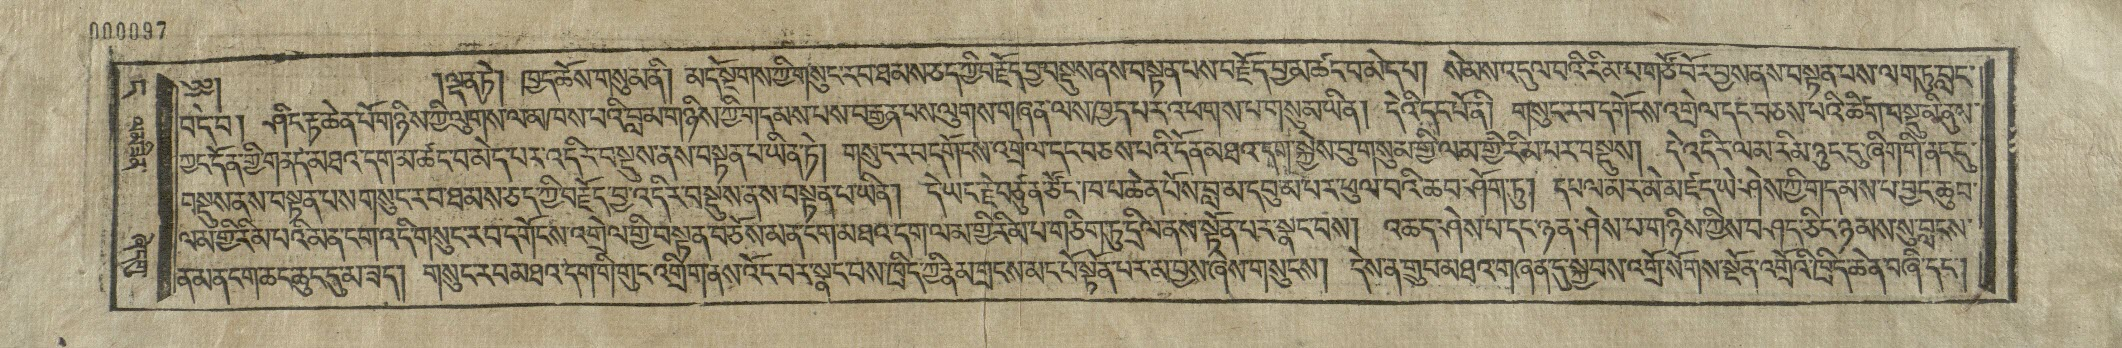༄༅། །ལྡན་ཏེ། ཁྱད་ཆོས་གསུམ་ནི། མདོ་སྔགས་ཀྱི་གསུང་རབ་ཐམས་ཅད་ཀྱི་བརྗོད་བྱ་བསྡུས་ནས་བསྟན་པས་བརྗོད་བྱ་མ་ཚང་བ་མེད་པ། སེམས་འདུལ་བའི་རིམ་པ་གཙོ་བོར་བྱས་ནས་བསྟན་པས་ལག་ཏུ་བླང་
བདེ་བ། ཤིང་རྟ་ཆེན་པོ་གཉིས་ཀྱི་ལུགས་ལ་མཁས་པའི་བླ་མ་གཉིས་ཀྱི་གདམས་པས་བརྒྱན་པས་ལུགས་གཞན་ལས་ཁྱད་པར་འཕགས་པ་གསུམ་ཡིན། དེའི་དང་པོ་ནི། གསུང་རབ་དགོངས་འགྲེལ་དང་བཅས་པའི་ཚིག་བསྡུ་མི་ནུས་
ཀྱང་དོན་གྱི་གནད་མཐའ་དག་མ་ཚང་བ་མེད་པར་འདིར་བསྡུས་ནས་བསྟན་པ་ཡིན་ཏེ། གསུང་རབ་དགོངས་འགྲེལ་དང་བཅས་པའི་དོན་མཐའ་དག་སྐྱེས་བུ་གསུམ་གྱི་ལམ་གྱི་རིམ་པར་བསྡུས། དེ་འདིར་ལམ་རིམ་ཉུང་ངུ་ཞིག་གི་ནང་དུ་
བསྡུས་ནས་བསྟན་པས་གསུང་རབ་ཐམས་ཅད་ཀྱི་བརྗོད་བྱ་འདིར་བསྡུས་ནས་བསྟན་པ་ཡིན། དེ་ཡང་རྗེ་བཙུན་ཙོང་ཁ་པ་ཆེན་པོས་བླ་མ་དབུ་མ་པར་ཕུལ་བའི་ཆབ་ཤོག་ཏུ། དཔལ་མར་མེ་མཛད་ཡེ་ཤེས་ཀྱི་གདམས་པ་བྱང་ཆུབ་
ལམ་གྱི་རིམ་པའི་མན་ངག་འདི་གསུང་རབ་དགོངས་འགྲེལ་གྱི་བསྟན་བཅོས་མན་ངག་མཐའ་དག་ལམ་གྱི་རིམ་པ་གཅིག་ཏུ་དྲིལ་ནས་སྟོན་པར་སྣང་བས། འཆད་ཤེས་པ་དང་ཉན་ཤེས་པ་གཉིས་ཀྱིས་བཤད་ཅིང་ཉམས་སུ་བླངས་
ན་མན་ངག་ཆད་ཆུང་དུ་མ་ཟད། གསུང་རབ་མཐའ་དག་གི་གུང་འགྲིག་ནས་འོང་བར་སྣང་བས་ཁྲིད་ཀྱི་རྣམ་གྲངས་མང་པོ་སྟོན་པར་མ་བྱས་ཞེས་གསུངས། དེས་ན་གྲུབ་མཐའ་གཞན་དུ་སྐྱབས་འགྲོ་སོགས་སྔོན་འགྲོའི་ཁྲིད་ཆེན་བཞི་དང་།